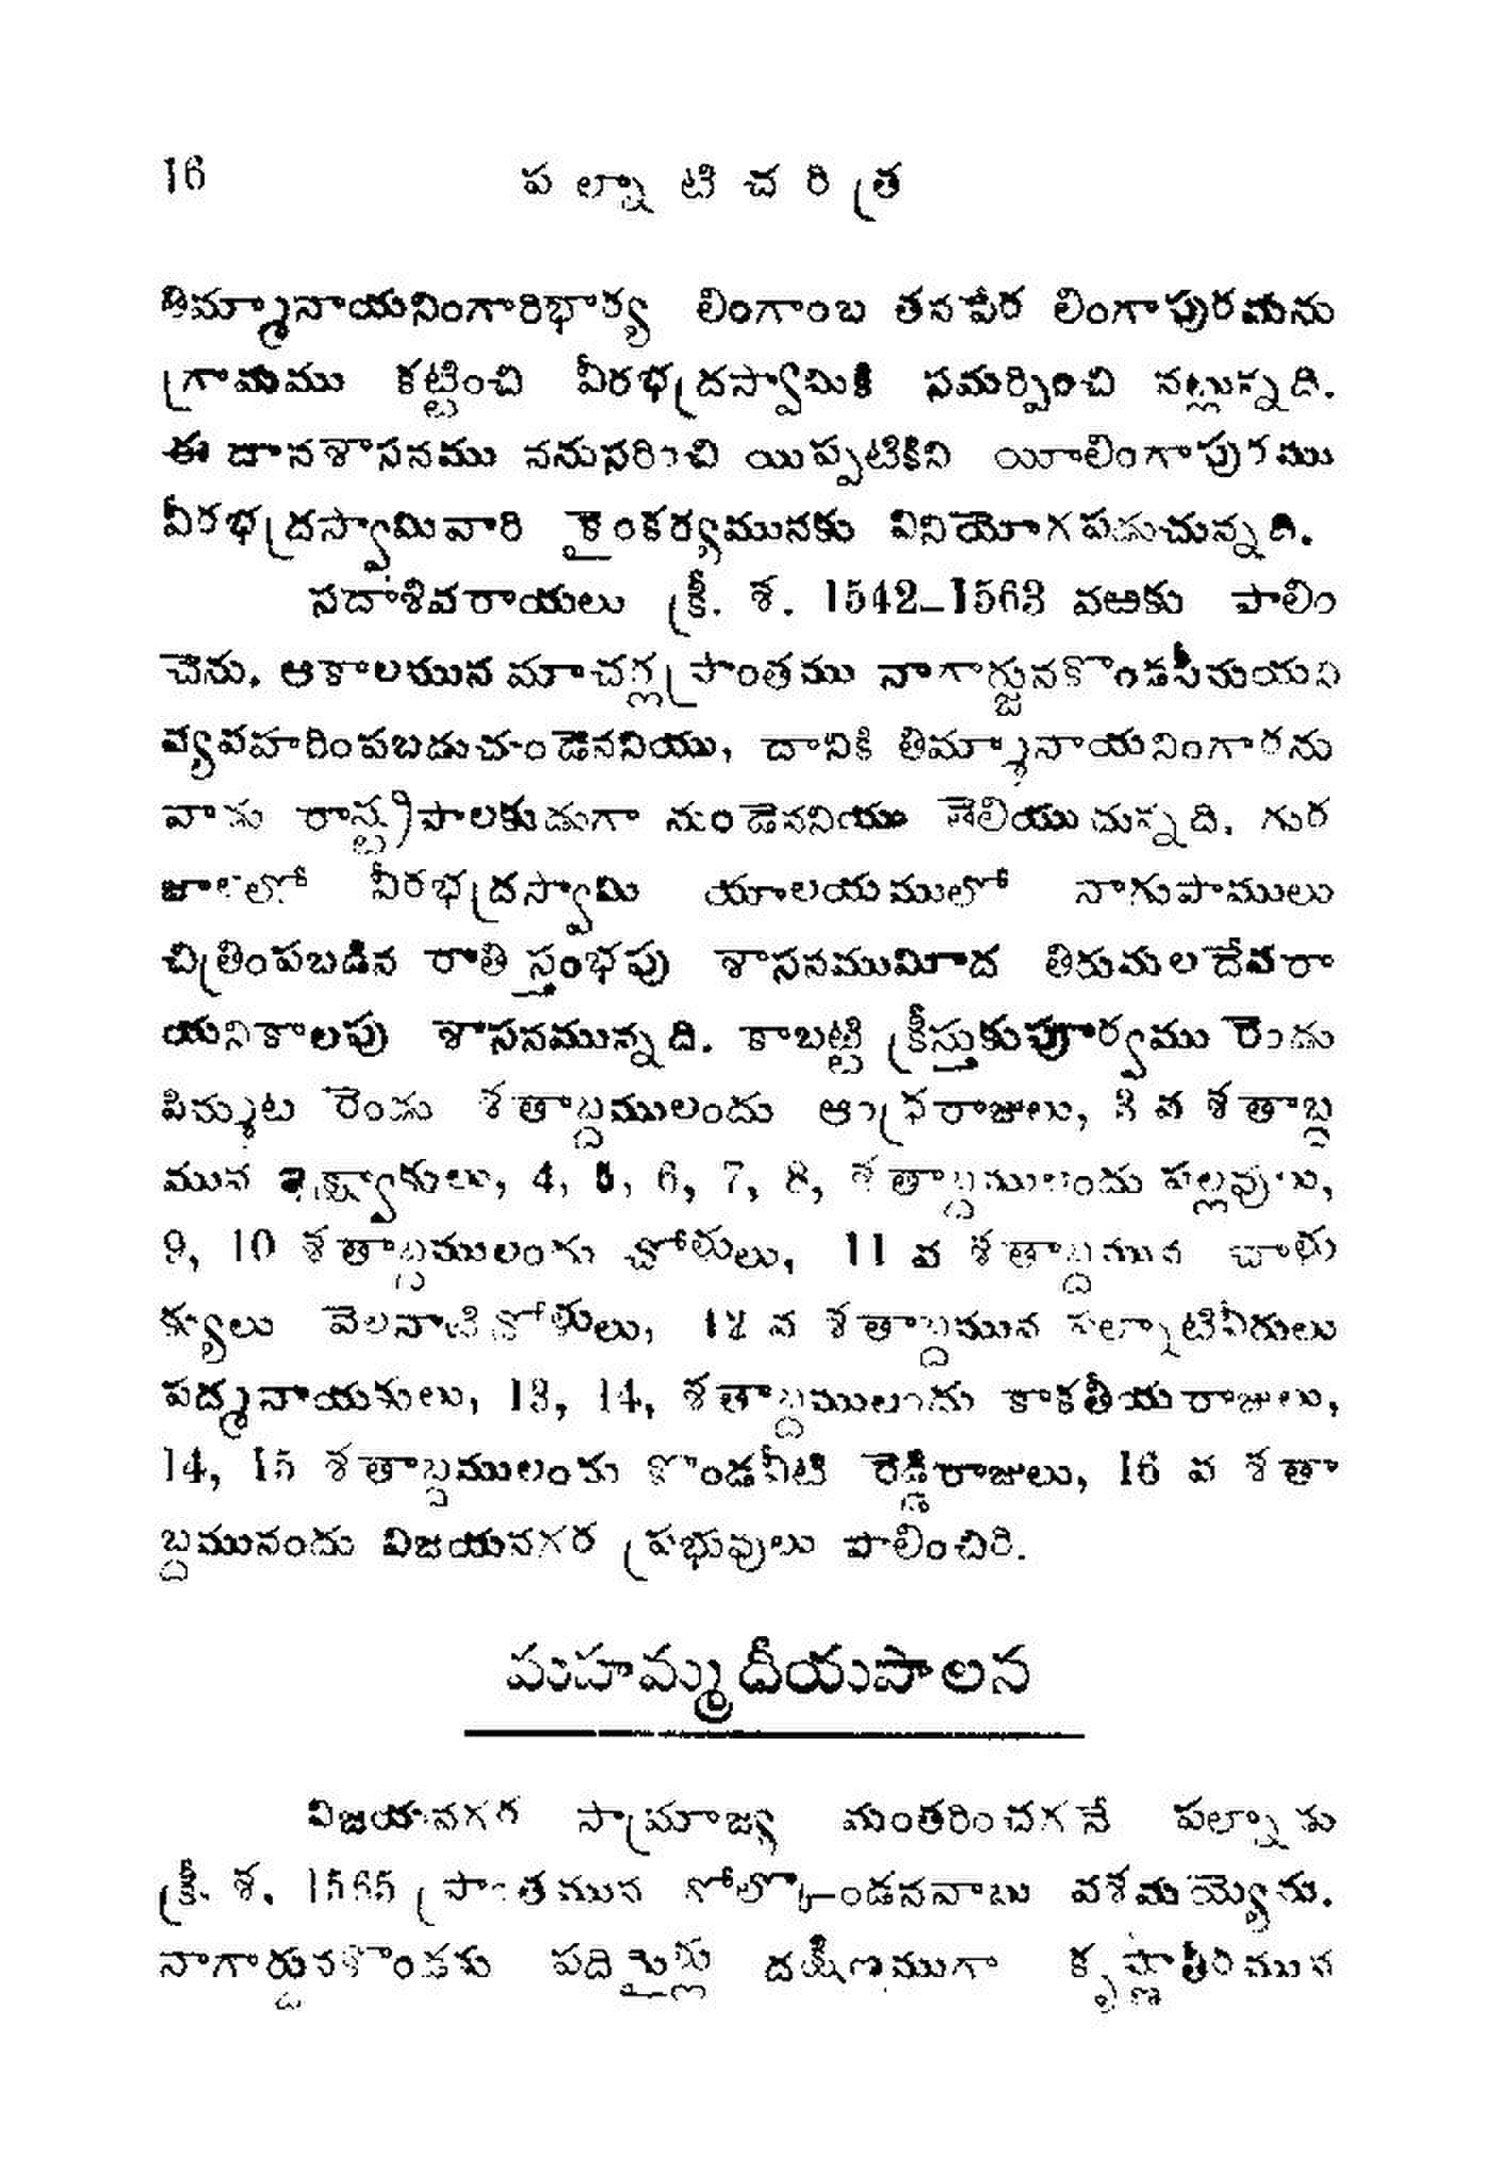తిమ్మానాయనింగారి భార్య లింగాంబ తనపేర లింగాపురమను
గ్రామము కట్టించి వీరభద్రస్వామికి సమర్పించి నట్లున్నది.
ఈ దానశాసనము ననుసరించి యిప్పటికిని యీలింగాపురము
వీరభద్రస్వామివారి కైంకర్యమునకు వినియోగ పడుచున్నది. 

సదాశివరాయలు క్రీ. శ. 1542-1568 వఱకు పాలిం
చెను, ఆకాలమున మాచర్ల ప్రాంతము నాగార్జున కొండసీమ యని
వ్యవహరింపబడుచుండెననియు, దానికి తిమ్మానాయనింగారను
వాడు రాష్ట్రపాలకుడుగా నుండెననియు తెలియుచున్నది. గురజాలలో 
వీరభద్రస్వామి యాలయములో నాగుపాములు
చిత్రింపబడిన రాతి స్తంభపు శాసనముమీద తిరుమల దేవరా
యనికాలపు శాసనమున్నది. కాబట్టి క్రీస్తుకు పూర్వము రెండు
పిమ్మట రెండు శతాబ్దములందు ఆంధ్రరాజులు, 3 వ శతాబ్ద
మున ఇక్ష్వాకులు, 4, 5, 6, 7, 8, శతాబ్దములందు పల్లవులు,
9, 10 శతాబ్దములంగు చోళులు, 11వ శతాబ్దమున చాళుక్యులు 
వెలనాటిచోళులు, 12 వ శతాబ్దమున పల్నాటి వీరులు
పద్మనాయకులు, 13, 14, శతాబ్దములందు కాకతీయ రాజులు,
14, 15 శతాబ్దములంకు కొండవీటి రెడ్డిరాజులు, 16 వ శతా
బమునందు విజయనగర ప్రభువులు పాలించిరి.

విజయనగర సామ్రాజ్య మంతరించగనే పల్నాడు
క్రీ. శ. 1565 ప్రాంతమున గోల్కొండనవాబు వశమయ్యెను.
నాగార్జునకొండకు పదిమైళ్లు దక్షిణముగా కృష్ణాతీరమున
{